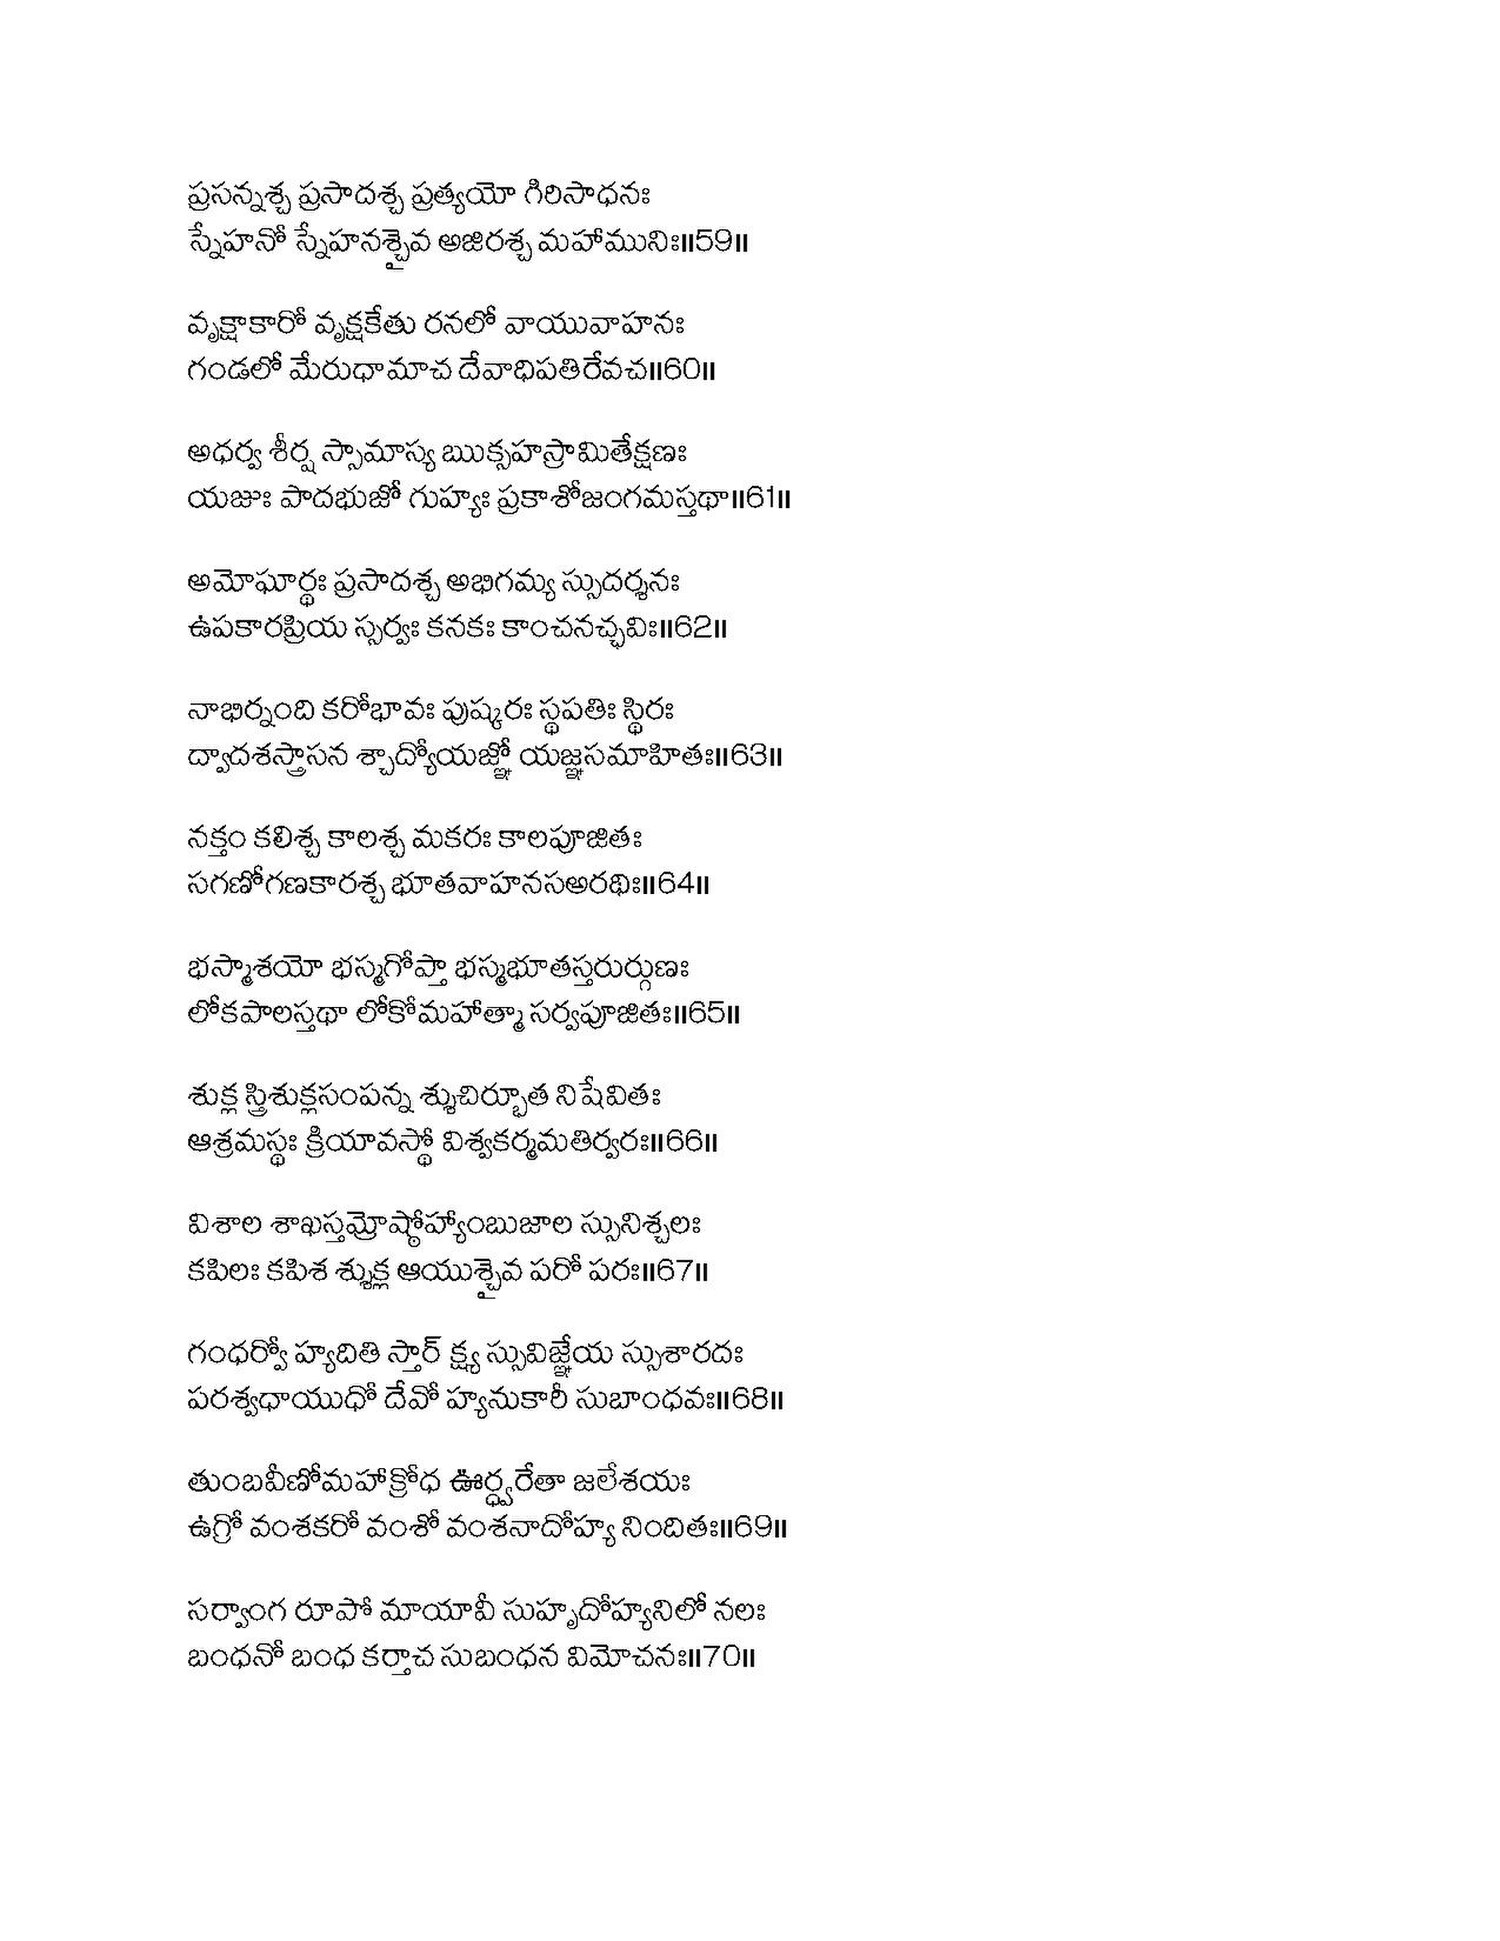ప్రసన్నశ్చ ప్రసాదశ్చ ప్రత్యయో గిరిసాధనః
స్నేహనో స్నేహనశ్చైవ అజిరశ్చ మహామునిః||59||

వృక్షాకారో వృక్షకేతు రనలో వాయువాహనః
గండలో మేరుధామాచ దేవాధిపతిరేవచ ||60||

అధర్వ శీర్ష స్సామాస్య ఋక్సహస్రమితేక్షణః
యజుః పాదభుజో గుహ్యః ప్రకాశోజంగమస్తథా ||61|| 

అమోఘార్థః ప్రసాదశ్చ అభిగమ్య స్సుదర్శనః
ఉపకారప్రియ స్సర్వః కనకః కాంచనచ్చవిః ||62||

నాభిర్నంది కరోభావః పుష్కరః స్థపతిః స్థిరః
ద్వాదశస్త్రాసన శ్చాద్యోయజ్ఞో యజ్ఞసమాహితః||63||

నక్తం కలిశ్చ కాలశ్చ మకరః కాలపూజితః
సగణోగణకారశ్చ భూతవాహనసారథిః|| 64||

భస్మాశయో భస్మగోప్తా భస్మభూతస్తరుర్గుణః
లోకపాలస్తథా లోకోమహాత్మా సర్వపూజితః||65||

శుక్ల స్త్రీశుక్లసంపన్న శ్శుచిర్భూత నిషేవితః
ఆశ్రమస్థః క్రియావస్థో విశ్వకర్మమతిర్వరః|| 66||

విశాల శాఖస్తమ్రోష్ఠోహ్యాంబుజాల స్సునిశ్చలః
కపిలః కపిశ శ్శుక్ల ఆయుశ్చైవ పరో పరః||67 ||

గంధర్వో హ్యదితి స్తార్ క్ష్య స్సువిజ్ఞేయ స్సుశారదః
పరశ్వధాయుధో దేవో హ్యనుకారీ సుబాంధవః|| 68||

తుంబవీణో మహాక్రోధ ఊర్ధ్వరేతా జలేశయః
ఉగ్రో వంశకరో వంశో వంశనాదోహ్య నిందితః||69||

సర్వాంగ రూపో మాయావీ సుహృదోహ్యనిలో నలః
బంధనో బంధ కర్తాచ సుబంధన విమోచనః||70||